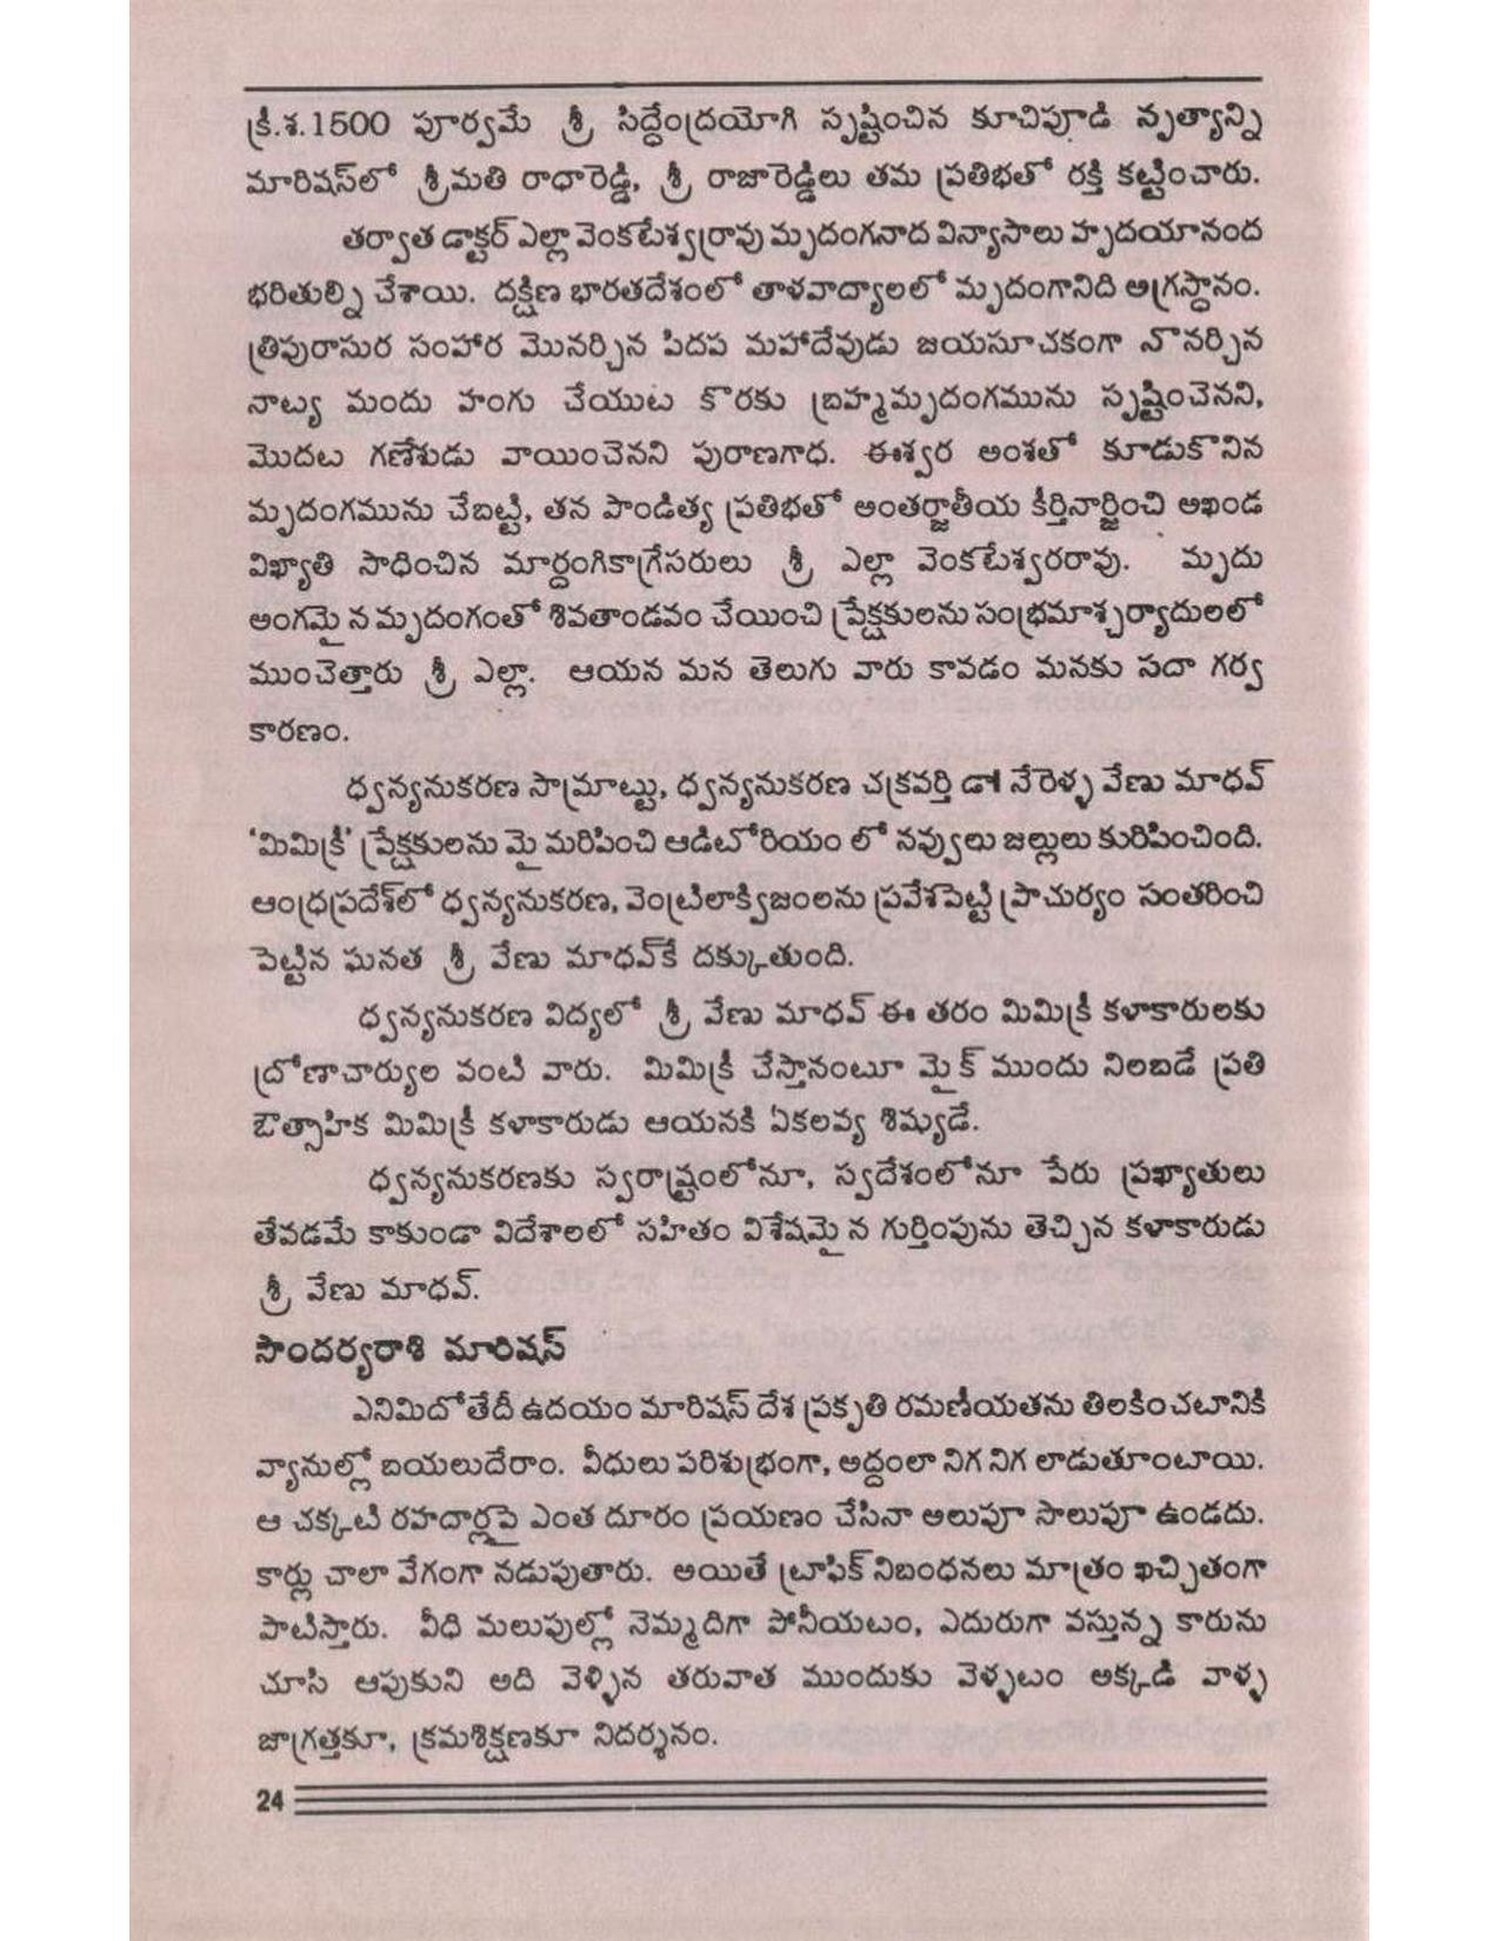క్రీ.శ. 1500 పూర్వమే శ్రీ సిద్దేంద్రయోగి సృష్టించిన కూచిపూడి నృత్యాన్ని మారిషన్ లో శ్రీమతి రాధారెడ్డి, శ్రీ రాజారెడ్డిలు తమ ప్రతిభతో రక్తి కట్టించారు. 

తర్వాత డాక్టర్ ఎల్లావెంకటేశ్వర్రావు మృదంగనాదవిన్యాసాలు హృదయానంద భరితుల్ని చేశాయి. దక్షిణ భారతదేశంలో తాళవాద్యాలలో మృదంగానిది అగ్రస్థానం. త్రిపురాసుర సంహార మొనర్చిన పిదప మహాదేవుడు జయసూచకంగా నొనర్చిన నాట్య మందు హంగు చేయుట కొరకు బ్రహ్మమృదంగమును సృష్టించెనని, మొదట గణేశుడు వాయించెనని పురాణగాధ. ఈశ్వర అంశతో కూడుకొనిన మృదంగమును చేబట్టి, తన పాండిత్య ప్రతిభతో అంతర్జాతీయ కీర్తినార్జించి అఖండ విఖ్యాతి సాధించిన మార్దంగికాగ్రేసరులు శ్రీ ఎల్లా వెంకటేశ్వరరావు. మృదు అంగమైన మృదంగంతో శివతాండవం చేయించి ప్రేక్షకులను సంభ్రమాశ్చర్యాదులలో ముంచెత్తారు శ్రీ ఎల్లా, ఆయన మన తెలుగు వారు కావడం మనకు సదా గర్వ కారణం.

ధ్వన్యనుకరణ సామ్రాట్టు, ధ్వన్యనుకరణ చక్రవర్తి డా॥ నేరెళ్ళ వేణు మాధవ్ 'మిమిక్రీ' ప్రేక్షకులను మైమరిపించి ఆడిటోరియం లో నవ్వులు జల్లులు కురిపించింది. ఆంధ్రప్రదేశ్ లో ధ్వన్యనుకరణ, వెంట్రిలాక్విజంలను ప్రవేశపెట్టిప్రాచుర్యం సంతరించి పెట్టిన ఘనత శ్రీ వేణు మాధవ్ కే దక్కుతుంది.

ధ్వన్యనుకరణ విద్యలో శ్రీ వేణు మాధవ్ ఈ తరం మిమిక్రీ కళాకారులకు ద్రోణాచార్యుల వంటి వారు. మిమిక్రీ చేస్తానంటూ మైక్ ముందు నిలబడే ప్రతి ఔత్సాహిక మిమిక్రీ కళాకారుడు ఆయనకి ఏకలవ్య శిష్యుడే.

ధ్వన్యనుకరణకు స్వరాష్ట్రంలోనూ, స్వదేశంలోనూ పేరు ప్రఖ్యాతులు తేవడమే కాకుండా విదేశాలలో సహితం విశేషమైన గుర్తింపును తెచ్చిన కళాకారుడు శ్రీ వేణు మాధవ్. 

సౌందర్యరాశి మారిషస్

ఎనిమిదోతేదీ ఉదయం మారిషస్ దేశ ప్రకృతి రమణీయతను తిలకించటానికి వ్యానుల్లో బయలుదేరాం. వీధులు పరిశుభ్రంగా, అద్దంలానిగనిగ లాడుతూంటాయి. ఆ చక్కటి రహదార్లపై ఎంత దూరం ప్రయణం చేసినా అలుపూ సొలుపూ ఉండదు. కారు చాలా వేగంగా నడుపుతారు. అయితే ట్రాఫిక్ నిబంధనలు మాత్రం ఖచ్చితంగా పాటిస్తారు. వీధి మలుపుల్లో నెమ్మదిగా పోనీయటం, ఎదురుగా వస్తున్న కారును చూసి ఆపుకుని అది వెళ్ళిన తరువాత ముందుకు వెళ్ళటం అక్కడి వాళ్ళ జాగ్రత్తకూ, క్రమశిక్షణకూ నిదర్శనం.